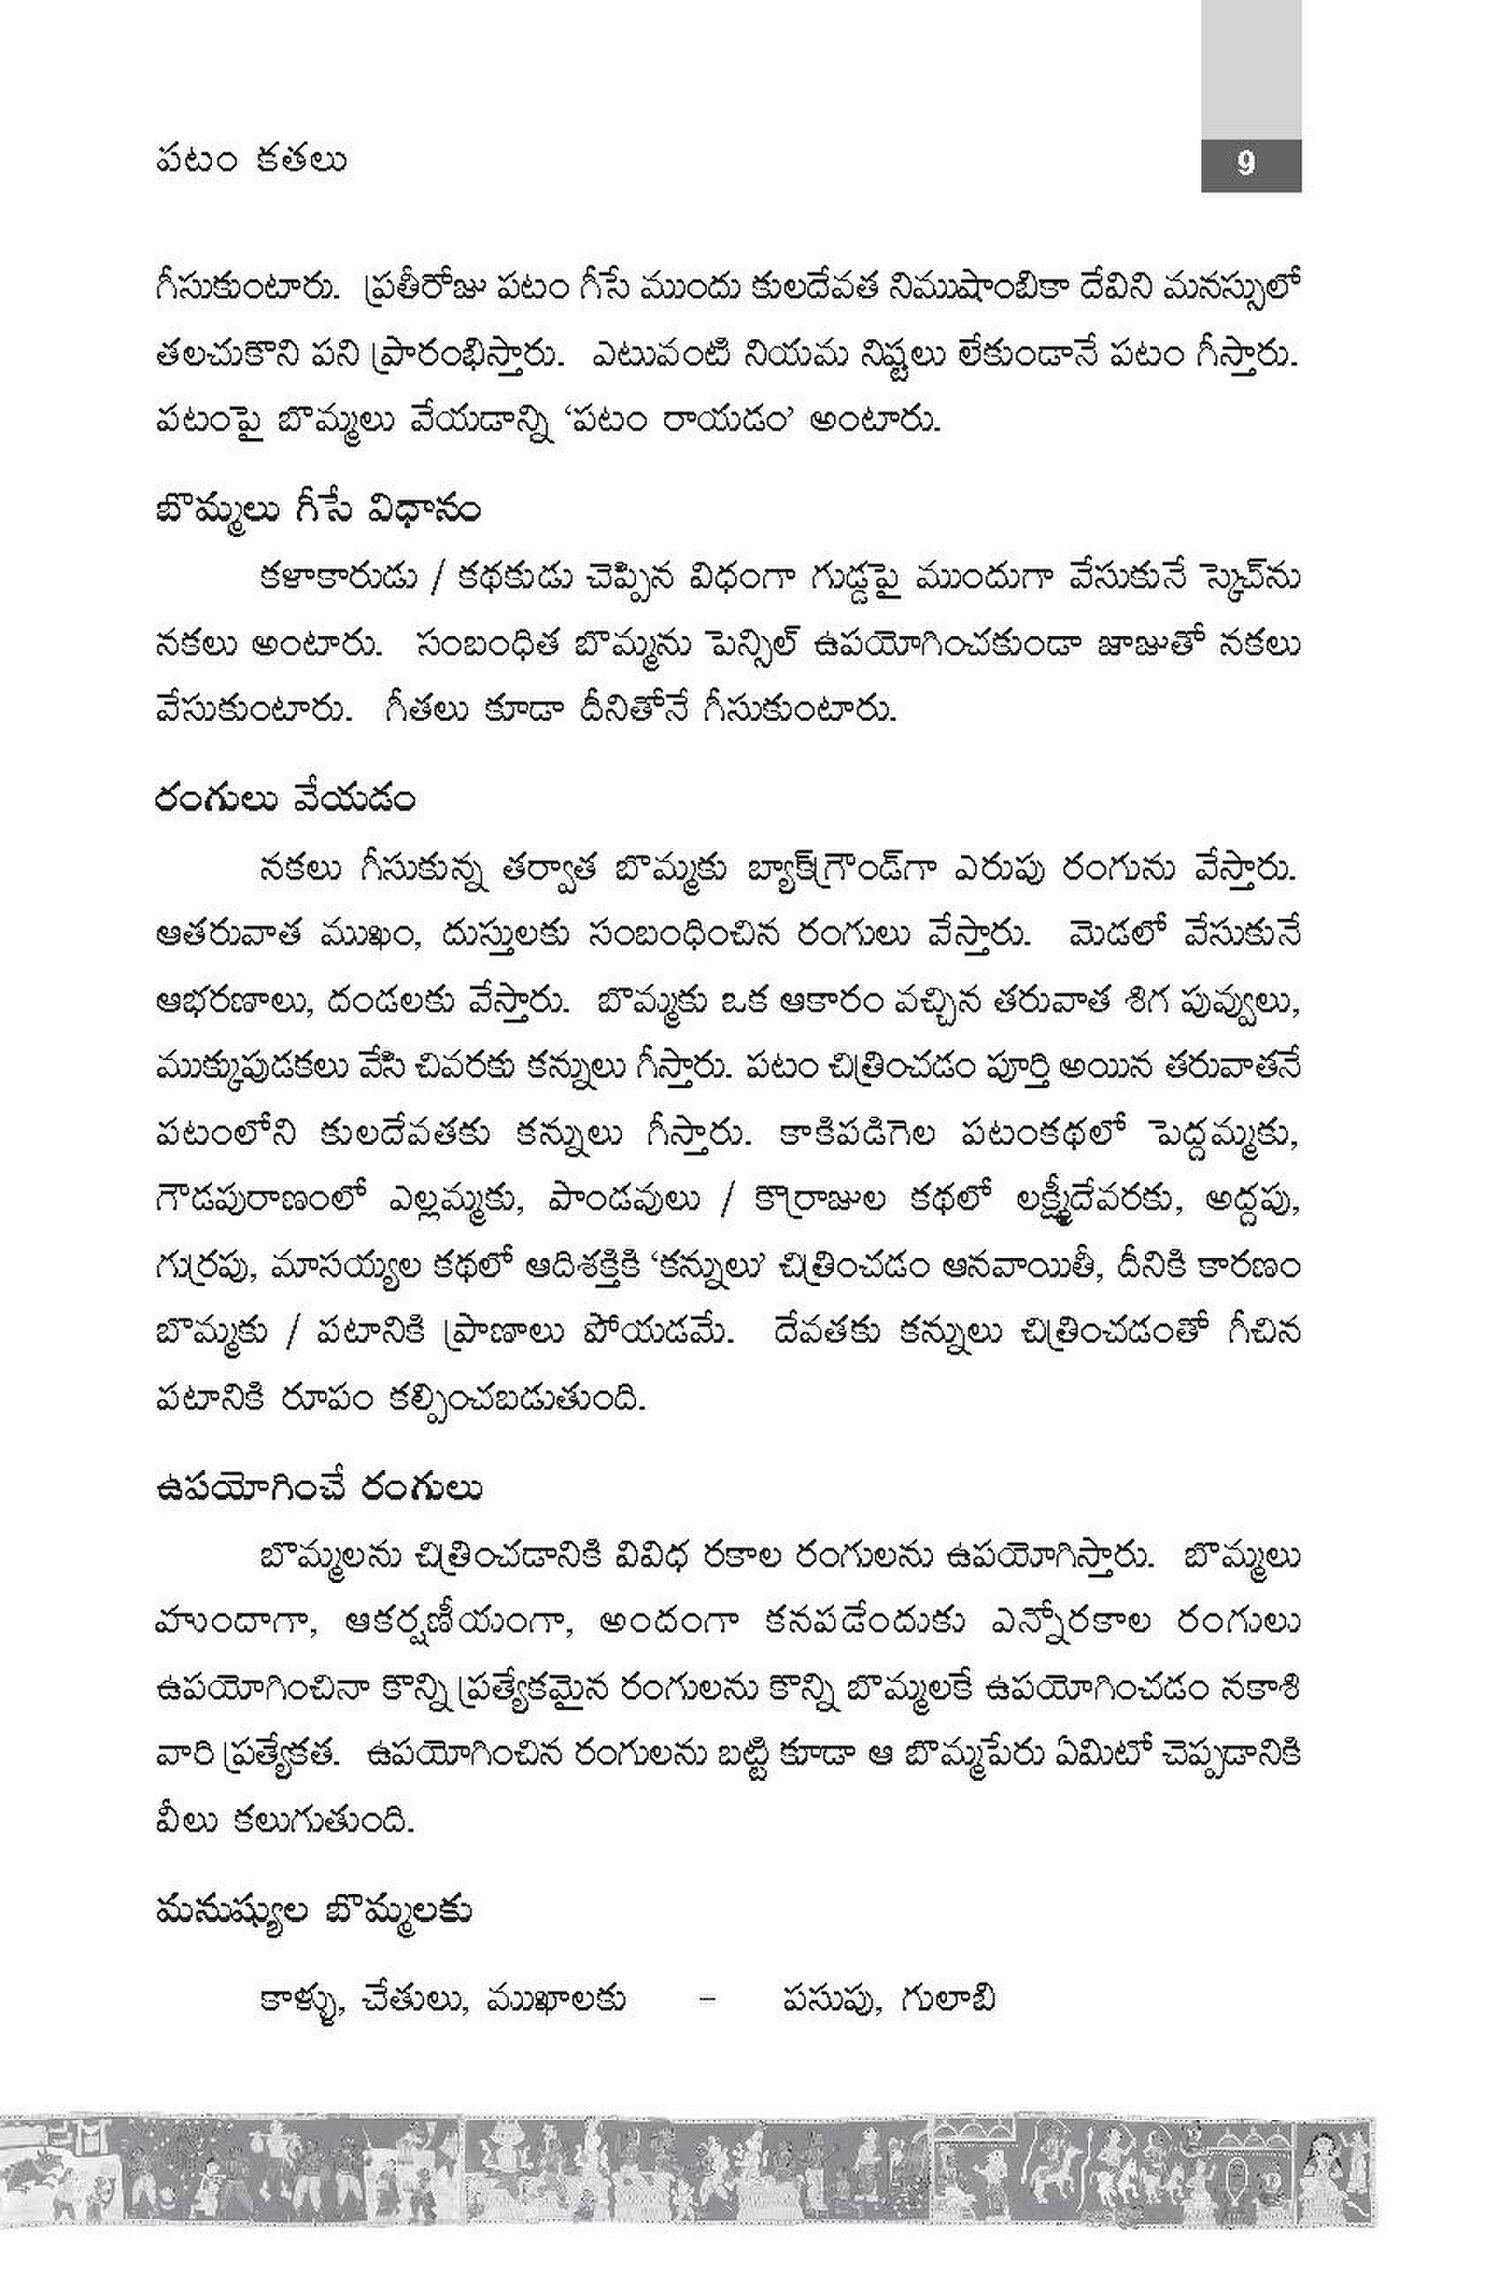గీసుకుంటారు. ప్రతీరోజు పటం గీసే ముందు కులదేవత నిముషాంబికా దేవిని మనస్సులో తలచుకొని పని ప్రారంభిస్తారు. ఎటువంటి నియమ నిష్టలు లేకుండానే పటం గీస్తారు. పటంపై బొమ్మలు వేయడాన్ని 'పటం రాయడం' అంటారు.

బొమ్మలు గీసే విధానం 

కళాకారుడు / కథకుడు చెప్పిన విధంగా గుడ్డపై ముందుగా వేసుకునే స్కెచ్ను నకలు అంటారు. సంబంధిత బొమ్మను పెన్సిల్ ఉపయోగించకుండా జాజుతో నకలు వేసుకుంటారు. గీతలు కూడా దీనితోనే గీసుకుంటారు.

రంగులు వేయడం 

నకలు గీసుకున్న తర్వాత బొమ్మకు బ్యాక్ గ్రౌండ్ గా ఎరుపు రంగును వేస్తారు. ఆతరువాత ముఖం, దుస్తులకు సంబంధించిన రంగులు వేస్తారు. మెడలో వేసుకునే ఆభరణాలు, దండలకు వేస్తారు. బొమ్మకు ఒక ఆకారం వచ్చిన తరువాత శిగ పువ్వులు, ముక్కుపుడకలు వేసి చివరకు కన్నులు గీస్తారు. పటం చిత్రించడం పూర్తి అయిన తరువాతనే
పటంలోని కులదేవతకు కన్నులు గీస్తారు. కాకిపడిగెల పటంకథలో పెద్దమ్మకు, గౌడపురాణంలో ఎల్లమ్మకు, పాండవులు / కార్రాజుల కథలో లక్ష్మీదేవరకు, అద్దపు, గుర్రపు, మాసయ్యల కథలో ఆదిశక్తికి 'కన్నులు' చిత్రించడం ఆనవాయితీ, దీనికి కారణం బొమ్మకు / పటానికి ప్రాణాలు పోయడమే. దేవతకు కన్నులు చిత్రించడంతో గీచిన పటానికి రూపం కల్పించబడుతుంది.

ఉపయోగించే రంగులు 

బొమ్మలను చిత్రించడానికి వివిధ రకాల రంగులను ఉపయోగిస్తారు. బొమ్మలు హుందాగా, ఆకర్షణీయంగా, అందంగా కనపడేందుకు ఎన్నోరకాల రంగులు ఉపయోగించినా కొన్ని ప్రత్యేకమైన రంగులను కొన్ని బొమ్మలకే ఉపయోగించడం నకాశి వారి ప్రత్యేకత. ఉపయోగించిన రంగులను బట్టి కూడా ఆ బొమ్మపేరు ఏమిటో చెప్పడానికి వీలు కలుగుతుంది.

మనుష్యుల బొమ్మలకు